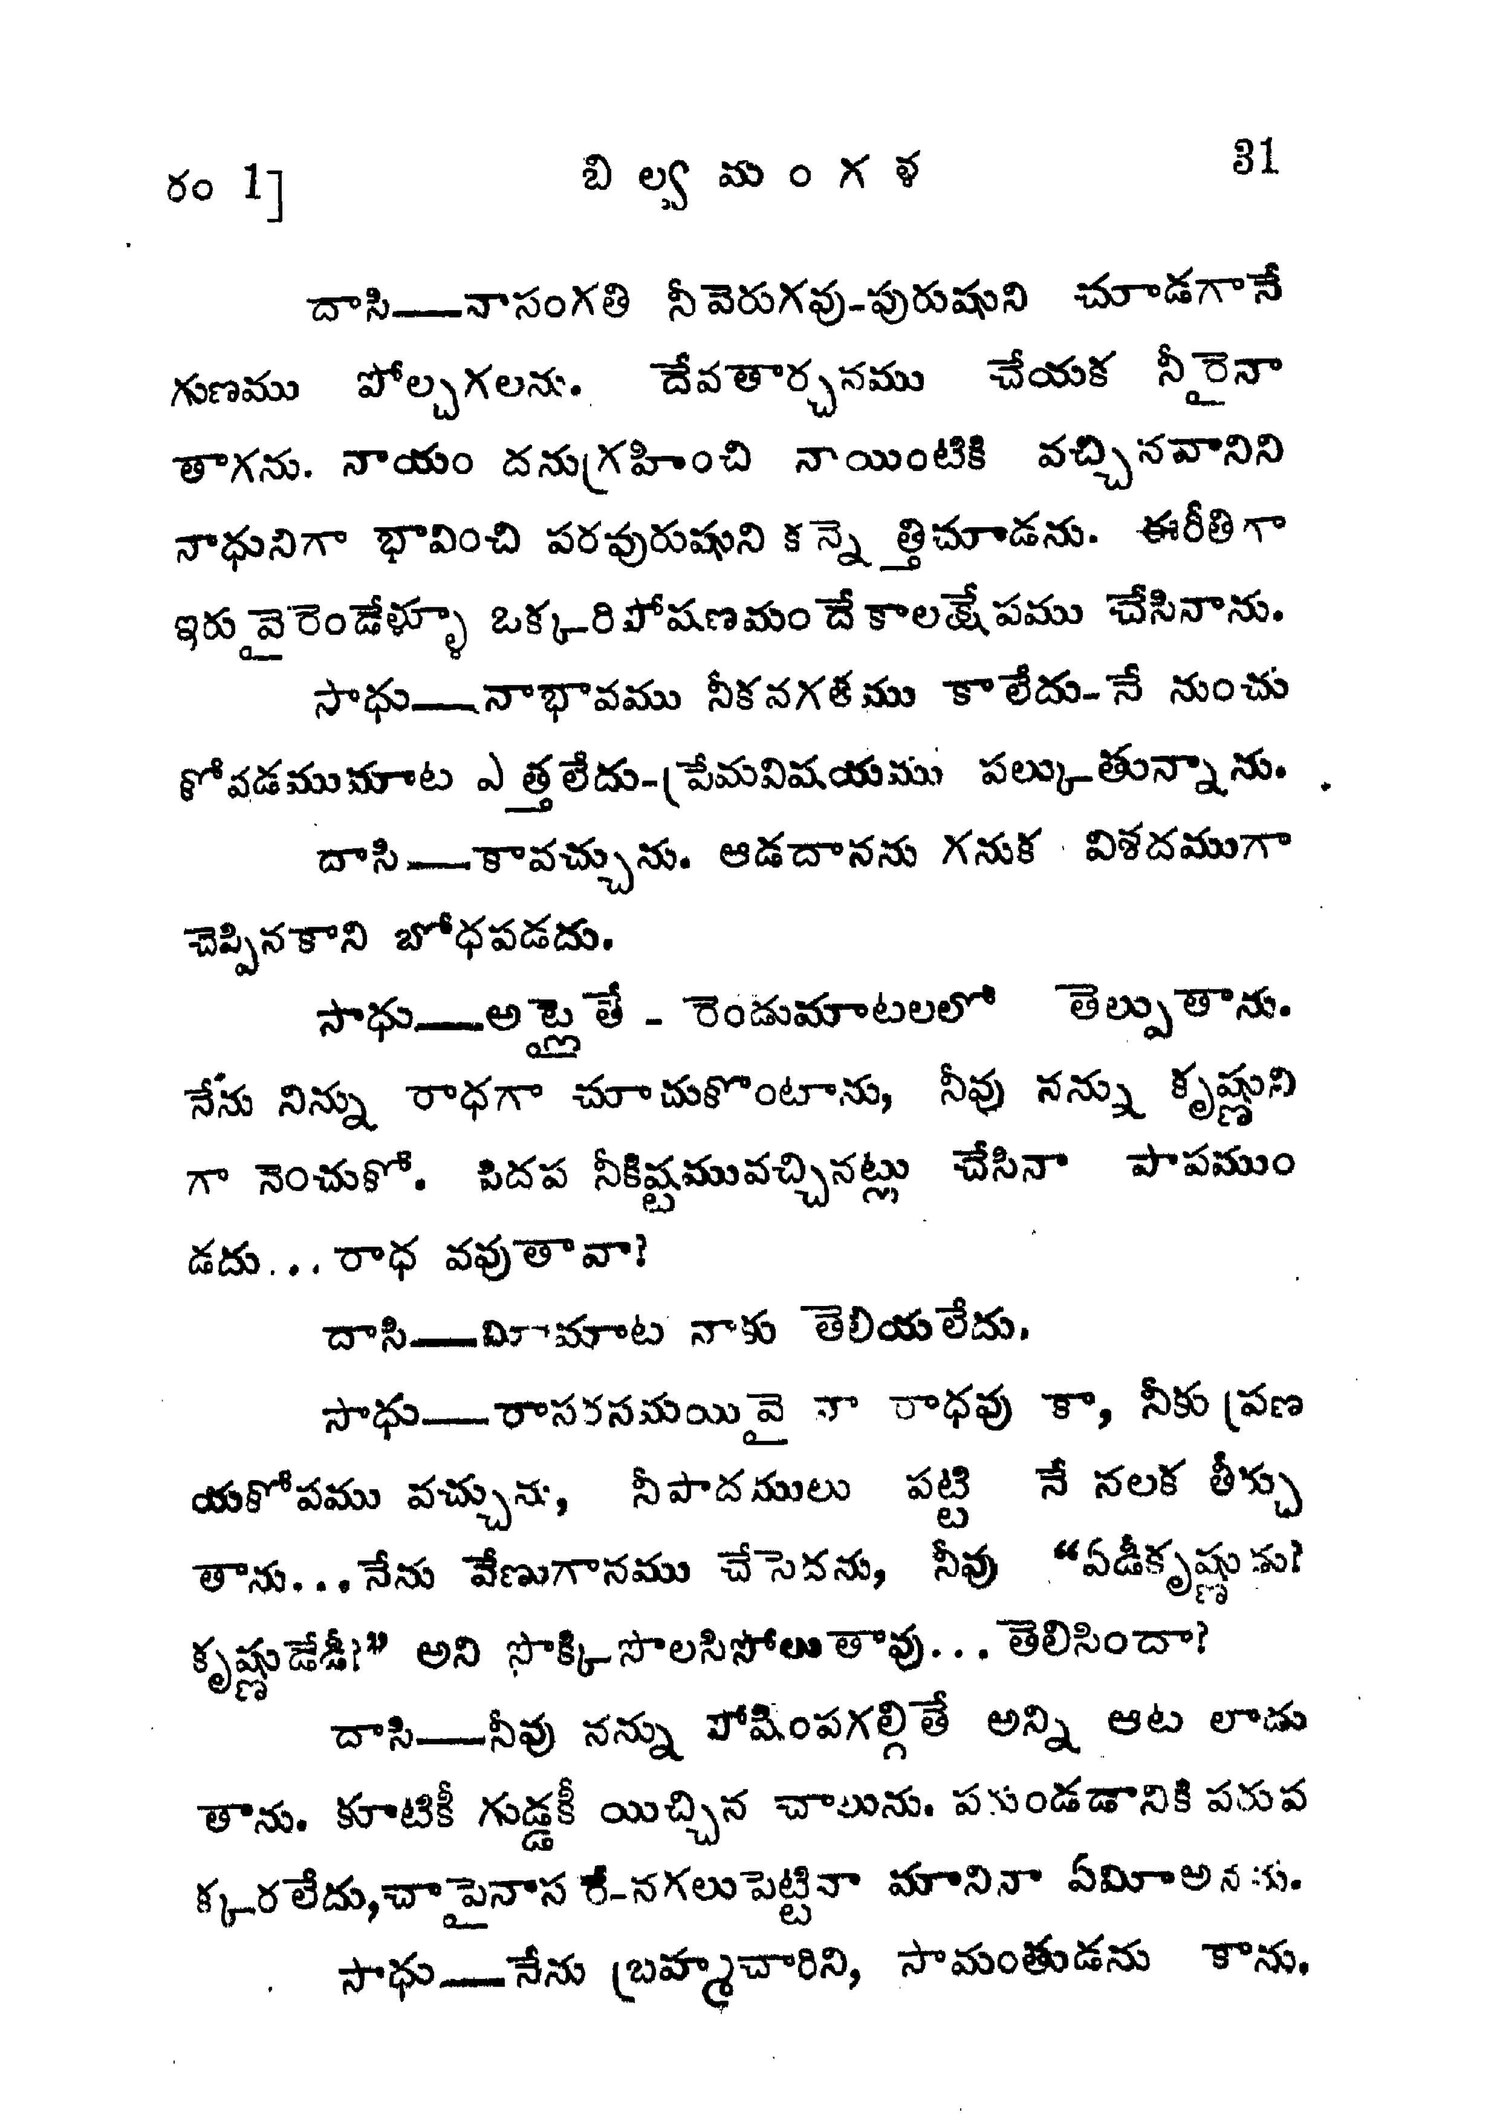దాసి - నాసంగతి నీవెరుగవు-పురుషుని చూడగానే గుణము పోల్చగలను. దేవతార్చనము చేయక నీరైనా తాగను. నాయం దనుగ్రహించి నాయింటికి వచ్చినవానిని నాధునిగా భావించి పరపురుషుని కన్నెత్తిచూడను. ఈరీతిగా ఇరవైరెండేళ్ళూ ఒక్కరిపోషణమందే కాలక్షేపము చేసినాను.

సాధు - నాభావము నీకవగతము కాలేదు-నే నుంచు కోవడముమాట ఎత్తలేదు-ప్రేమవిషయము పల్కుతున్నాను. 

దాసి - కావచ్చును. ఆడదానను గనుక విశదముగా చెప్పినకాని బోధపడదు.

సాధు - అట్లైతే - రెండుమాటలలో తెల్పుతాను. నేను నిన్ను రాధగా చూచుకొంటాను, నీవు నన్ను కృష్ణుని గా నెంచుకో. పిదప నీకిష్టమువచ్చినట్లు చేసినా పాపముండదు... రాధ వవుతావా?

దాసి - మీమాట నాకు తెలియలేదు.

సాధు - రాసరసమయివై నా రాధవు కా, నీకుప్రణయకోపము వచ్చుని, నీపాదములు పట్టి నే నలక తీర్చుతాను...నేను వేణుగానము చేసెదను, నీవు "ఏడీకృష్ణుడు? కృష్ణుడేడీ?" అని సొక్కిసొలసిసోలుతావు...తెలిసిందా?

దాసి - నీవు నన్ను పోషింపగల్గితే అన్ని ఆట లాడుతాను. కూటికీ గుడ్డకీ యిచ్చిన చాలును. పరుండడానికి పరుపక్కరలేదు, చాపైనాసరే-నగలుపెట్టినా మానినా ఏమీఅనను.

సాధు - నేను బ్రహ్మచారిని, సామంతుడను కాను.